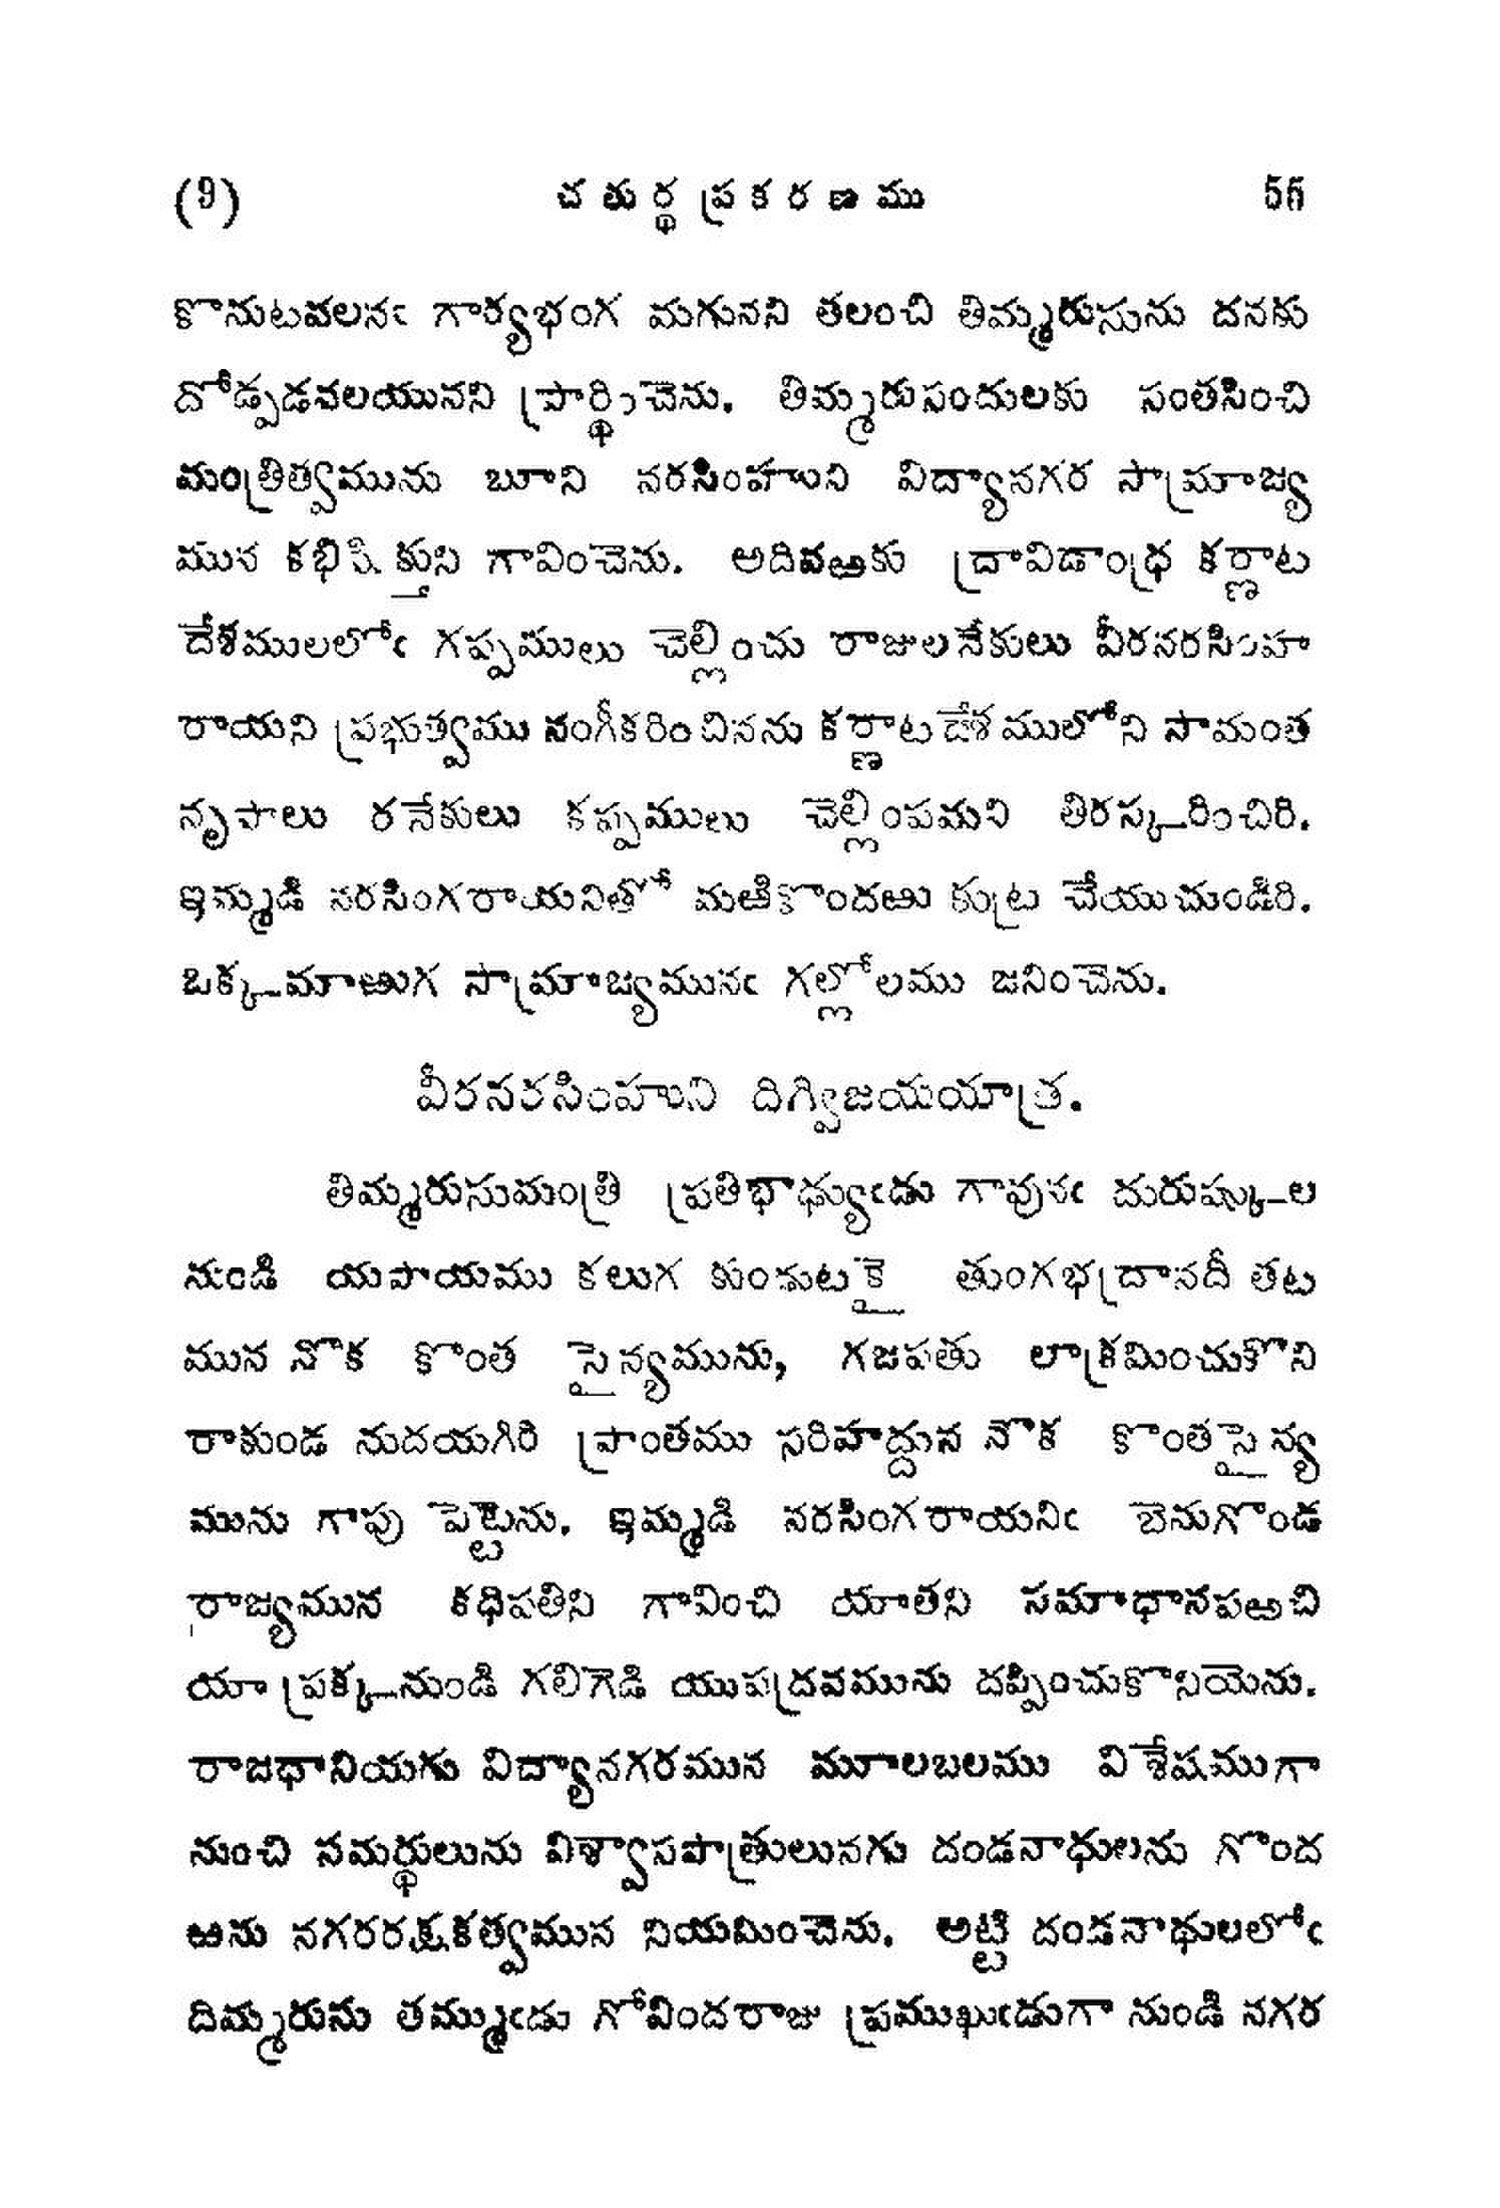కొనుటవలనఁ గార్యభంగ మగునని తలంచి తిమ్మరుసును దనకు దోడ్పడవలయునని ప్రార్థించెను. తిమ్మరుసందులకు సంతసించి మంత్రిత్వమును బూని నరసింహుని విద్యానగర సామ్రాజ్యముస కభిషిక్తుని గావించెను. అదివఱకు ద్రావిడాంధ్ర కర్ణాట దేశములలోఁ గప్పములు చెల్లించు రాజులనేకులు వీరనరసింహరాయని ప్రభుత్వము నంగీకరించినను కర్ణాటదేశములోని సామంతనృపాలు రనేకులు కప్పములు చెల్లింపమని తిరస్కరించిరి. ఇమ్మడి నరసింగరాయనితో మఱికొందఱు కుట్ర చేయుచుండిరి. ఒక్కమాఱుగ సామ్రాజ్యమునఁ గల్లోలము జనించెను.

వీరనరసింహుని దిగ్విజయయాత్ర. 

తిమ్మరుసుమంత్రి ప్రతిభాఢ్యుఁడు గావునఁ దురుష్కుల నుండి యపాయము కలుగ కుండుటకై తుంగభద్రానదీ తటమున నొక కొంత సైన్యమును, గజపతు లాక్రమించుకొని రాకుండ నుదయగిరి ప్రాంతము సరిహద్దున నొక కొంతసైన్యమును గాపు పెటెను. ఇమ్మడి నరసింగరాయనిఁ బెనుగొండ రాజ్యమున కధిపతిని గావించి యాతని సమాధానపఱచి
యా ప్రక్కనుండి గలిగెడి యుపద్రవమును దప్పించుకొనియెను. రాజధానియగు విద్యానగరమున మూలబలము విశేషముగా నుంచి సమర్థులును విశ్వాసపాత్రులునగు దండనాధులను గొందఱను నగరరక్షకత్వమున నియమించెను. అట్టి దండనాథులలో దిమ్మరుసు తమ్ముఁడు గోవిందరాజు ప్రముఖుఁడుగా నుండి నగర